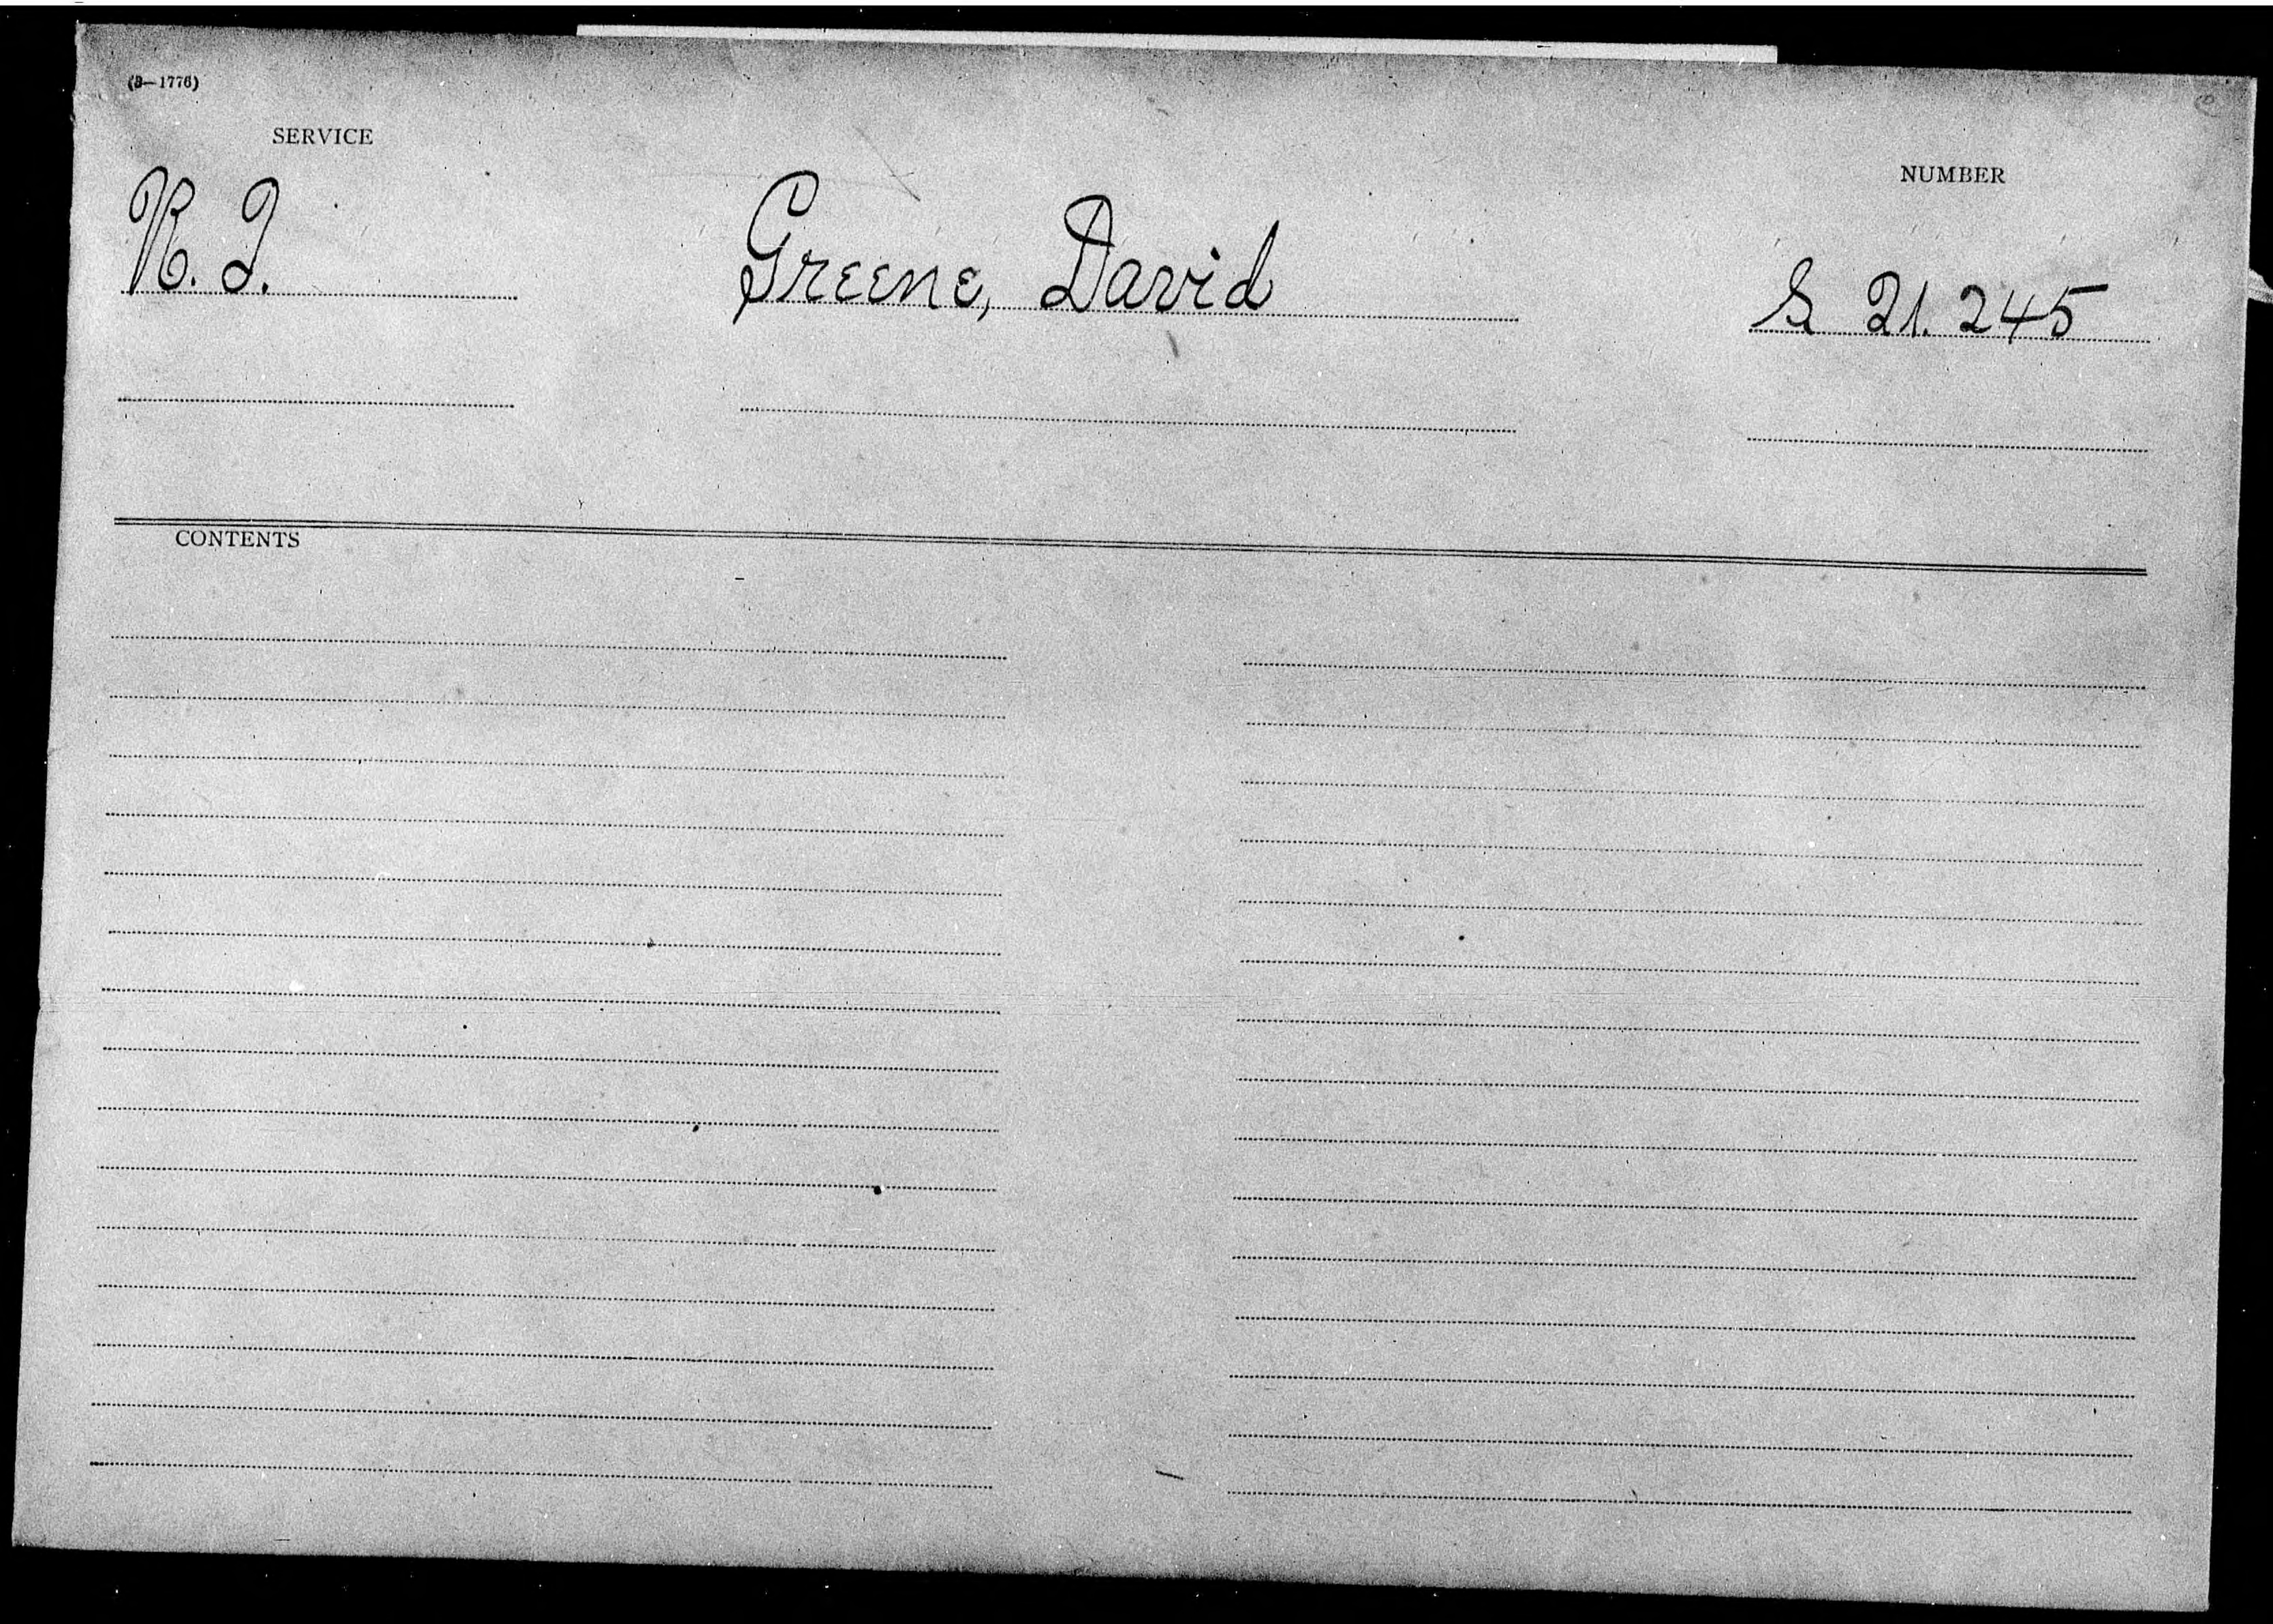(8-1776)

SERVICE 
R. I. 

Greene, David

NUMBER
S. 21.245

CONTENTS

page: 1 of 27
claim: survivor's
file: S. 21,245, David Greene, R.I.